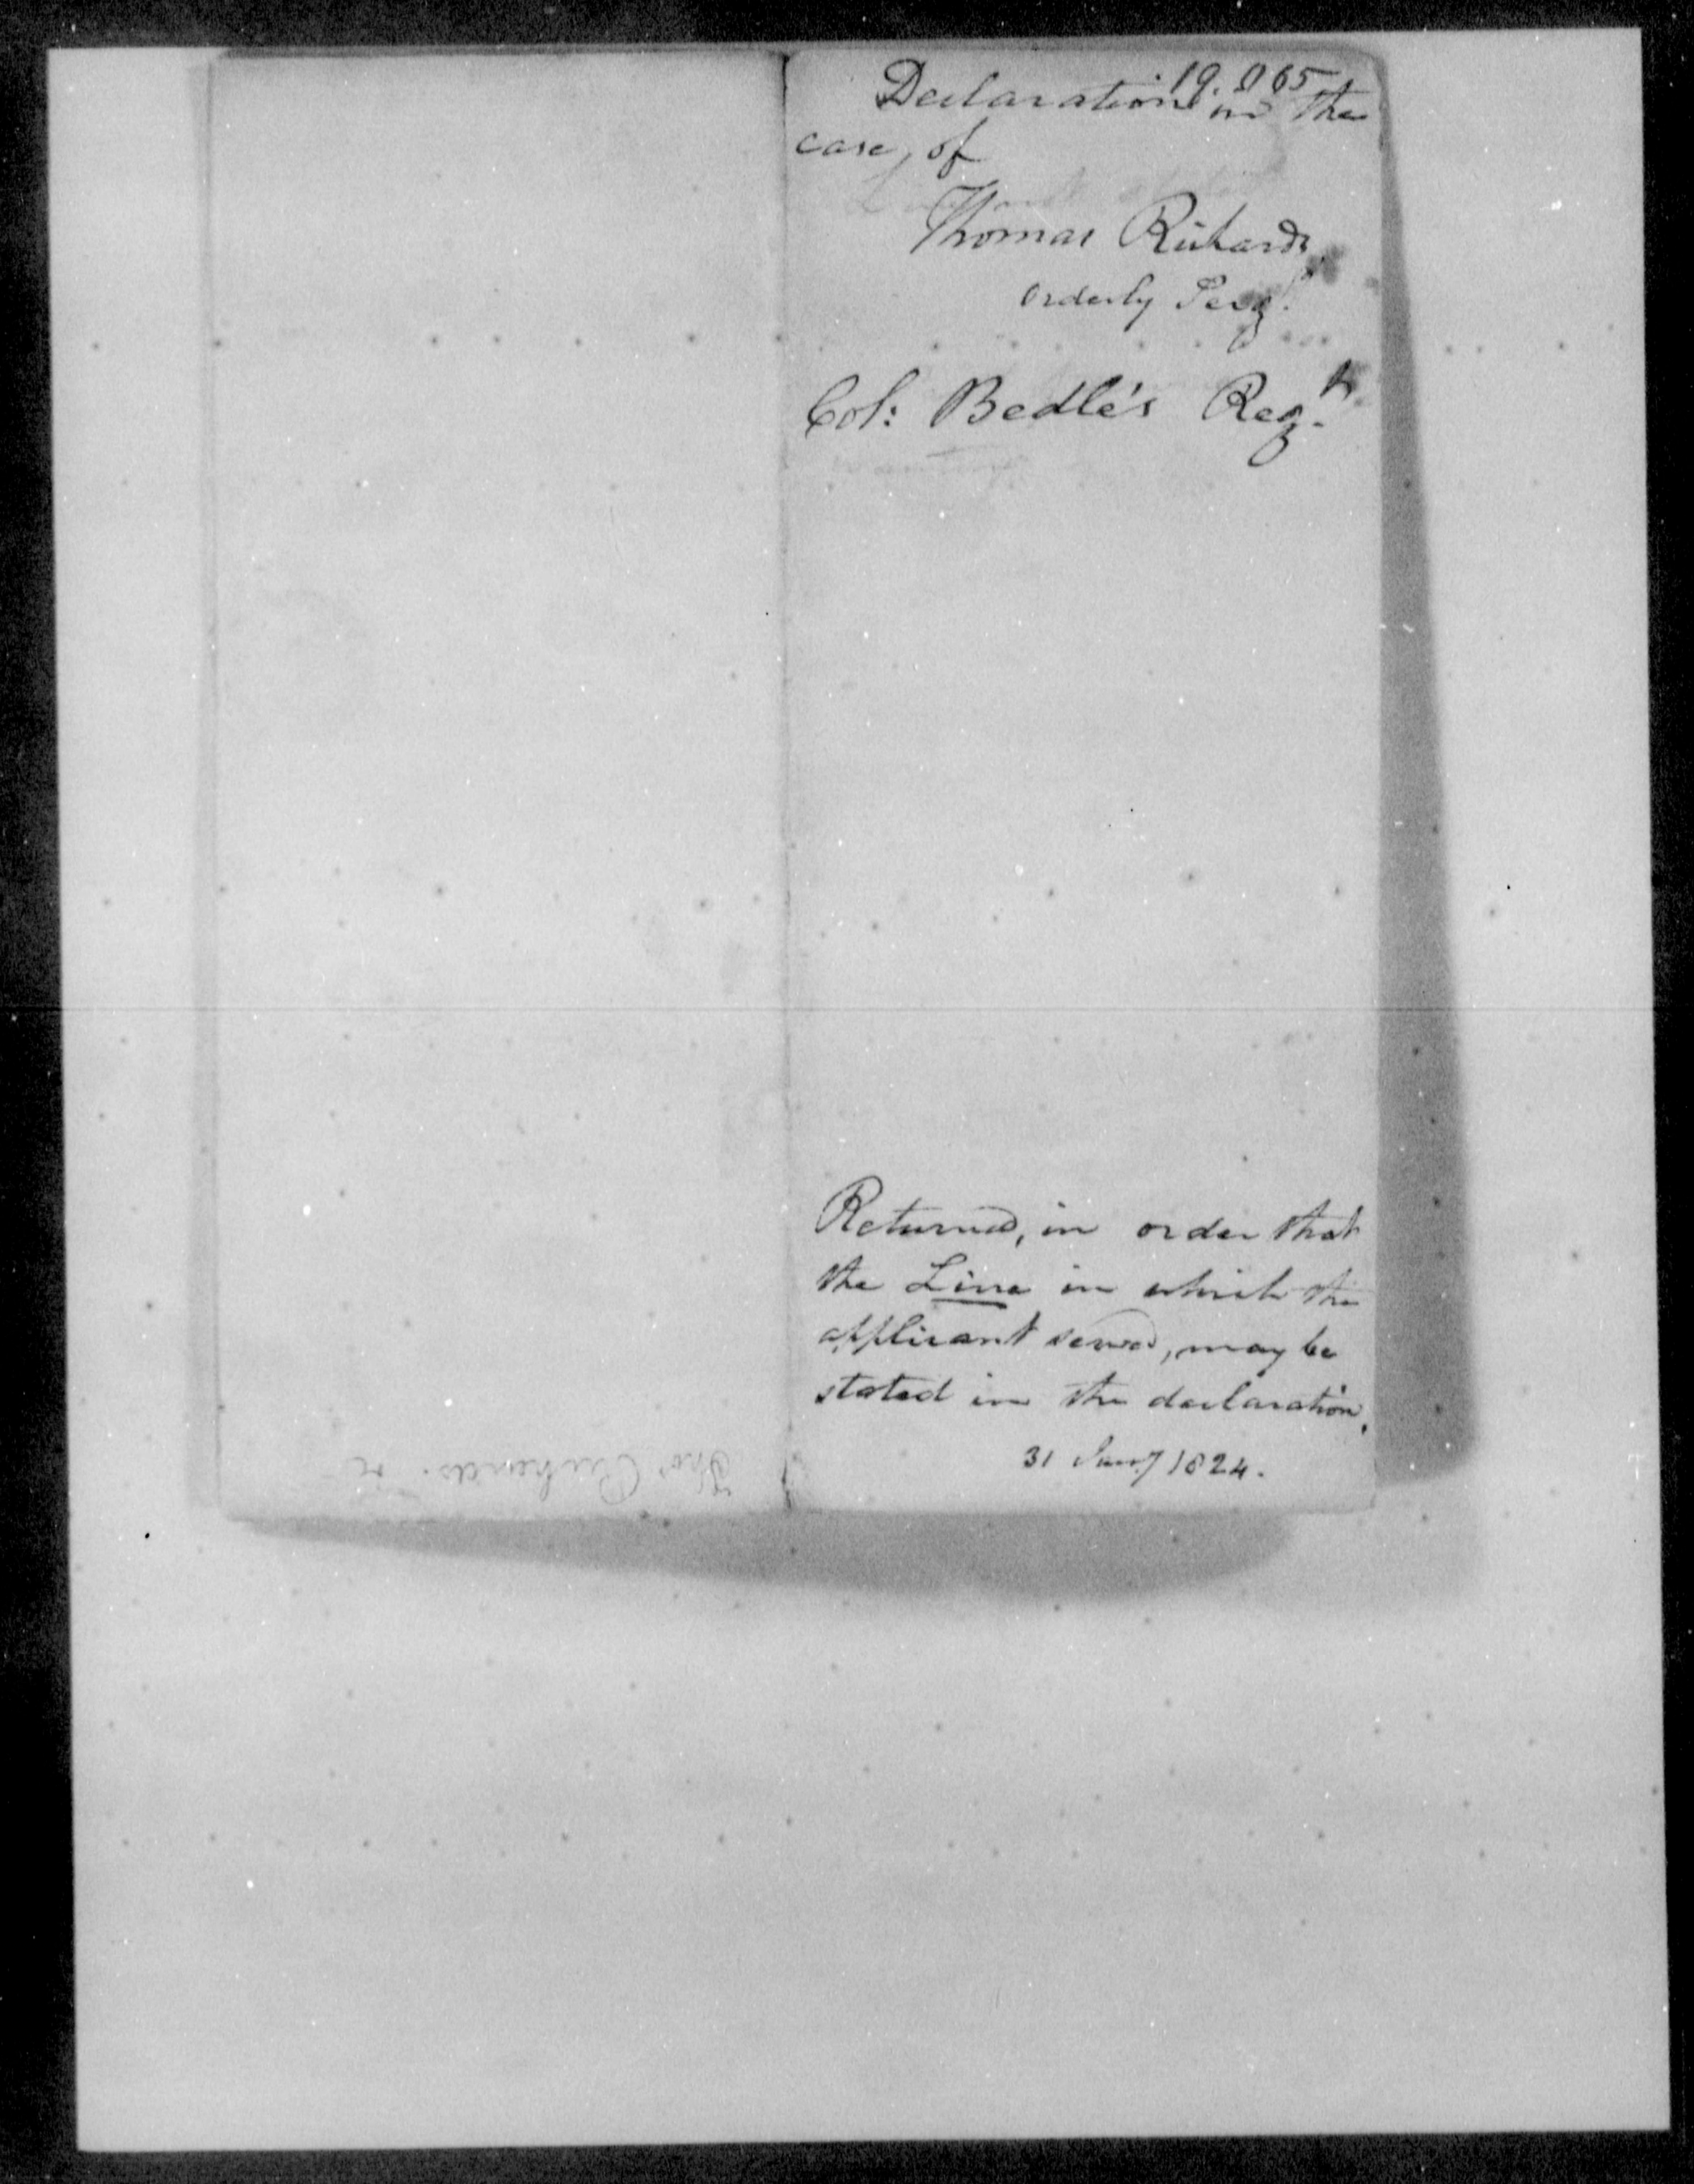[upside down left] Thos [THOMAS] Richards

19.065
Declaration in the case of Thomas Richards
Orderly Sergt. [SERGEANT]

Col: Bedle's [BEADLE'S] Regt. [REGIMENT]

Returned, in order that the Line in which the applicant served, may be stated in the declaration
31 Jany [JANUARY] 1824.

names: Thomas Richards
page: 32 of 109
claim: widow's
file: W. 5709, for Thomas Richards, New Hampshire